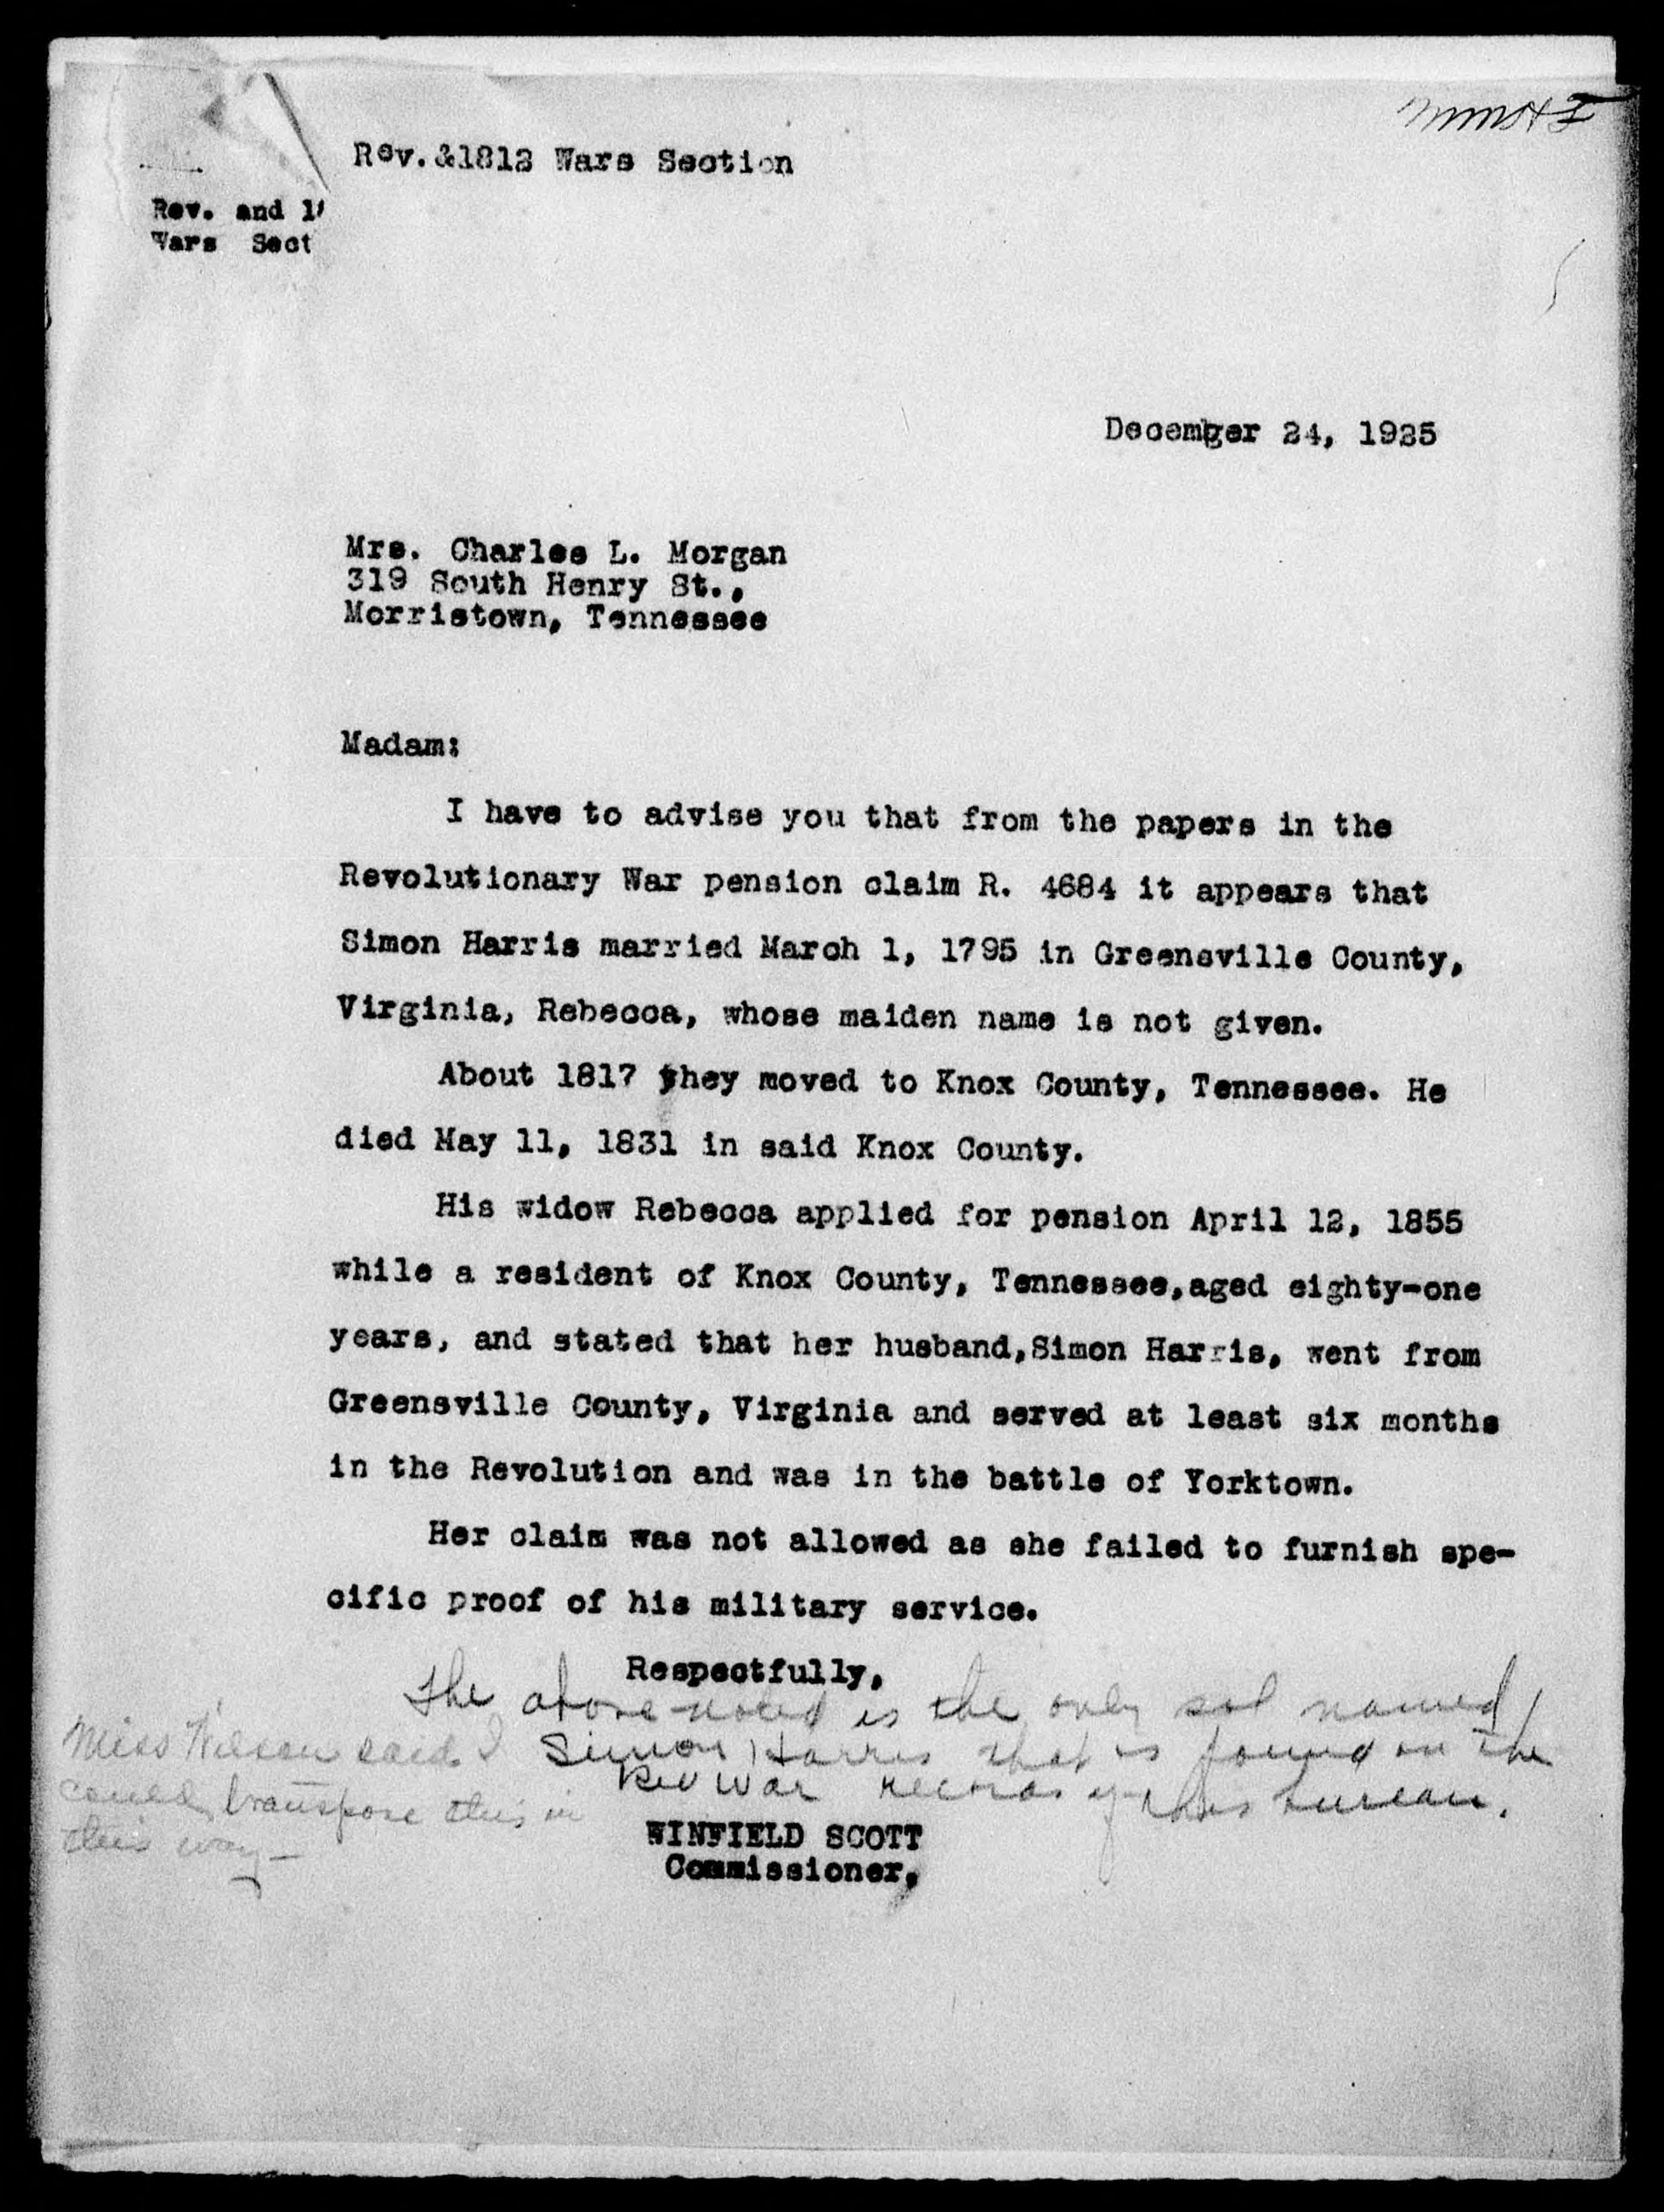Rev.&1812 Wars Section         MMHF

Re. and 1
Wars sect (paper torn)

December 24, 1925

Mrs. Charles L. Morgan
319 South Henry St.,
Morristown, Tennessee

Madam: 

I have to advise you that from the papers in the Revolutionary War pension claim R. 4684 it appears that Simon Harris married March 1, 1795 in Greensville County, Virginia, Rebecca, whose maiden name is not given.

About 1817 they moved to Knox County, Tennessee. He died May 11, 1831 in said Knox County.

His widow Rebecca applied for pension April 12, 1855 while a resident of Knox County, Tennessee, aged eighty-one years, and stated that her husband, Simon Harris, went from Greensville County, Virginia and served at least six months in the Revolution and was in the battle of Yorktown.

Her claim was not allowed as she failed to furnish specific proof os his military service.

Respectfully,

The above noted is the only sol named Simon Harris that is found in the Rev War records of this bureau.

Miss Wilson said I could transpose this in this way -

WINFIELD SCOTT
Commissioner,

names: Simon Harris, Rebecca, Simon Harris, Rebecca, Charles L Morgan, Winfield Scott, Simon Harris, Wilson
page: 13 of 24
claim: rejected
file: R. 4684, Simon Harris, Va.